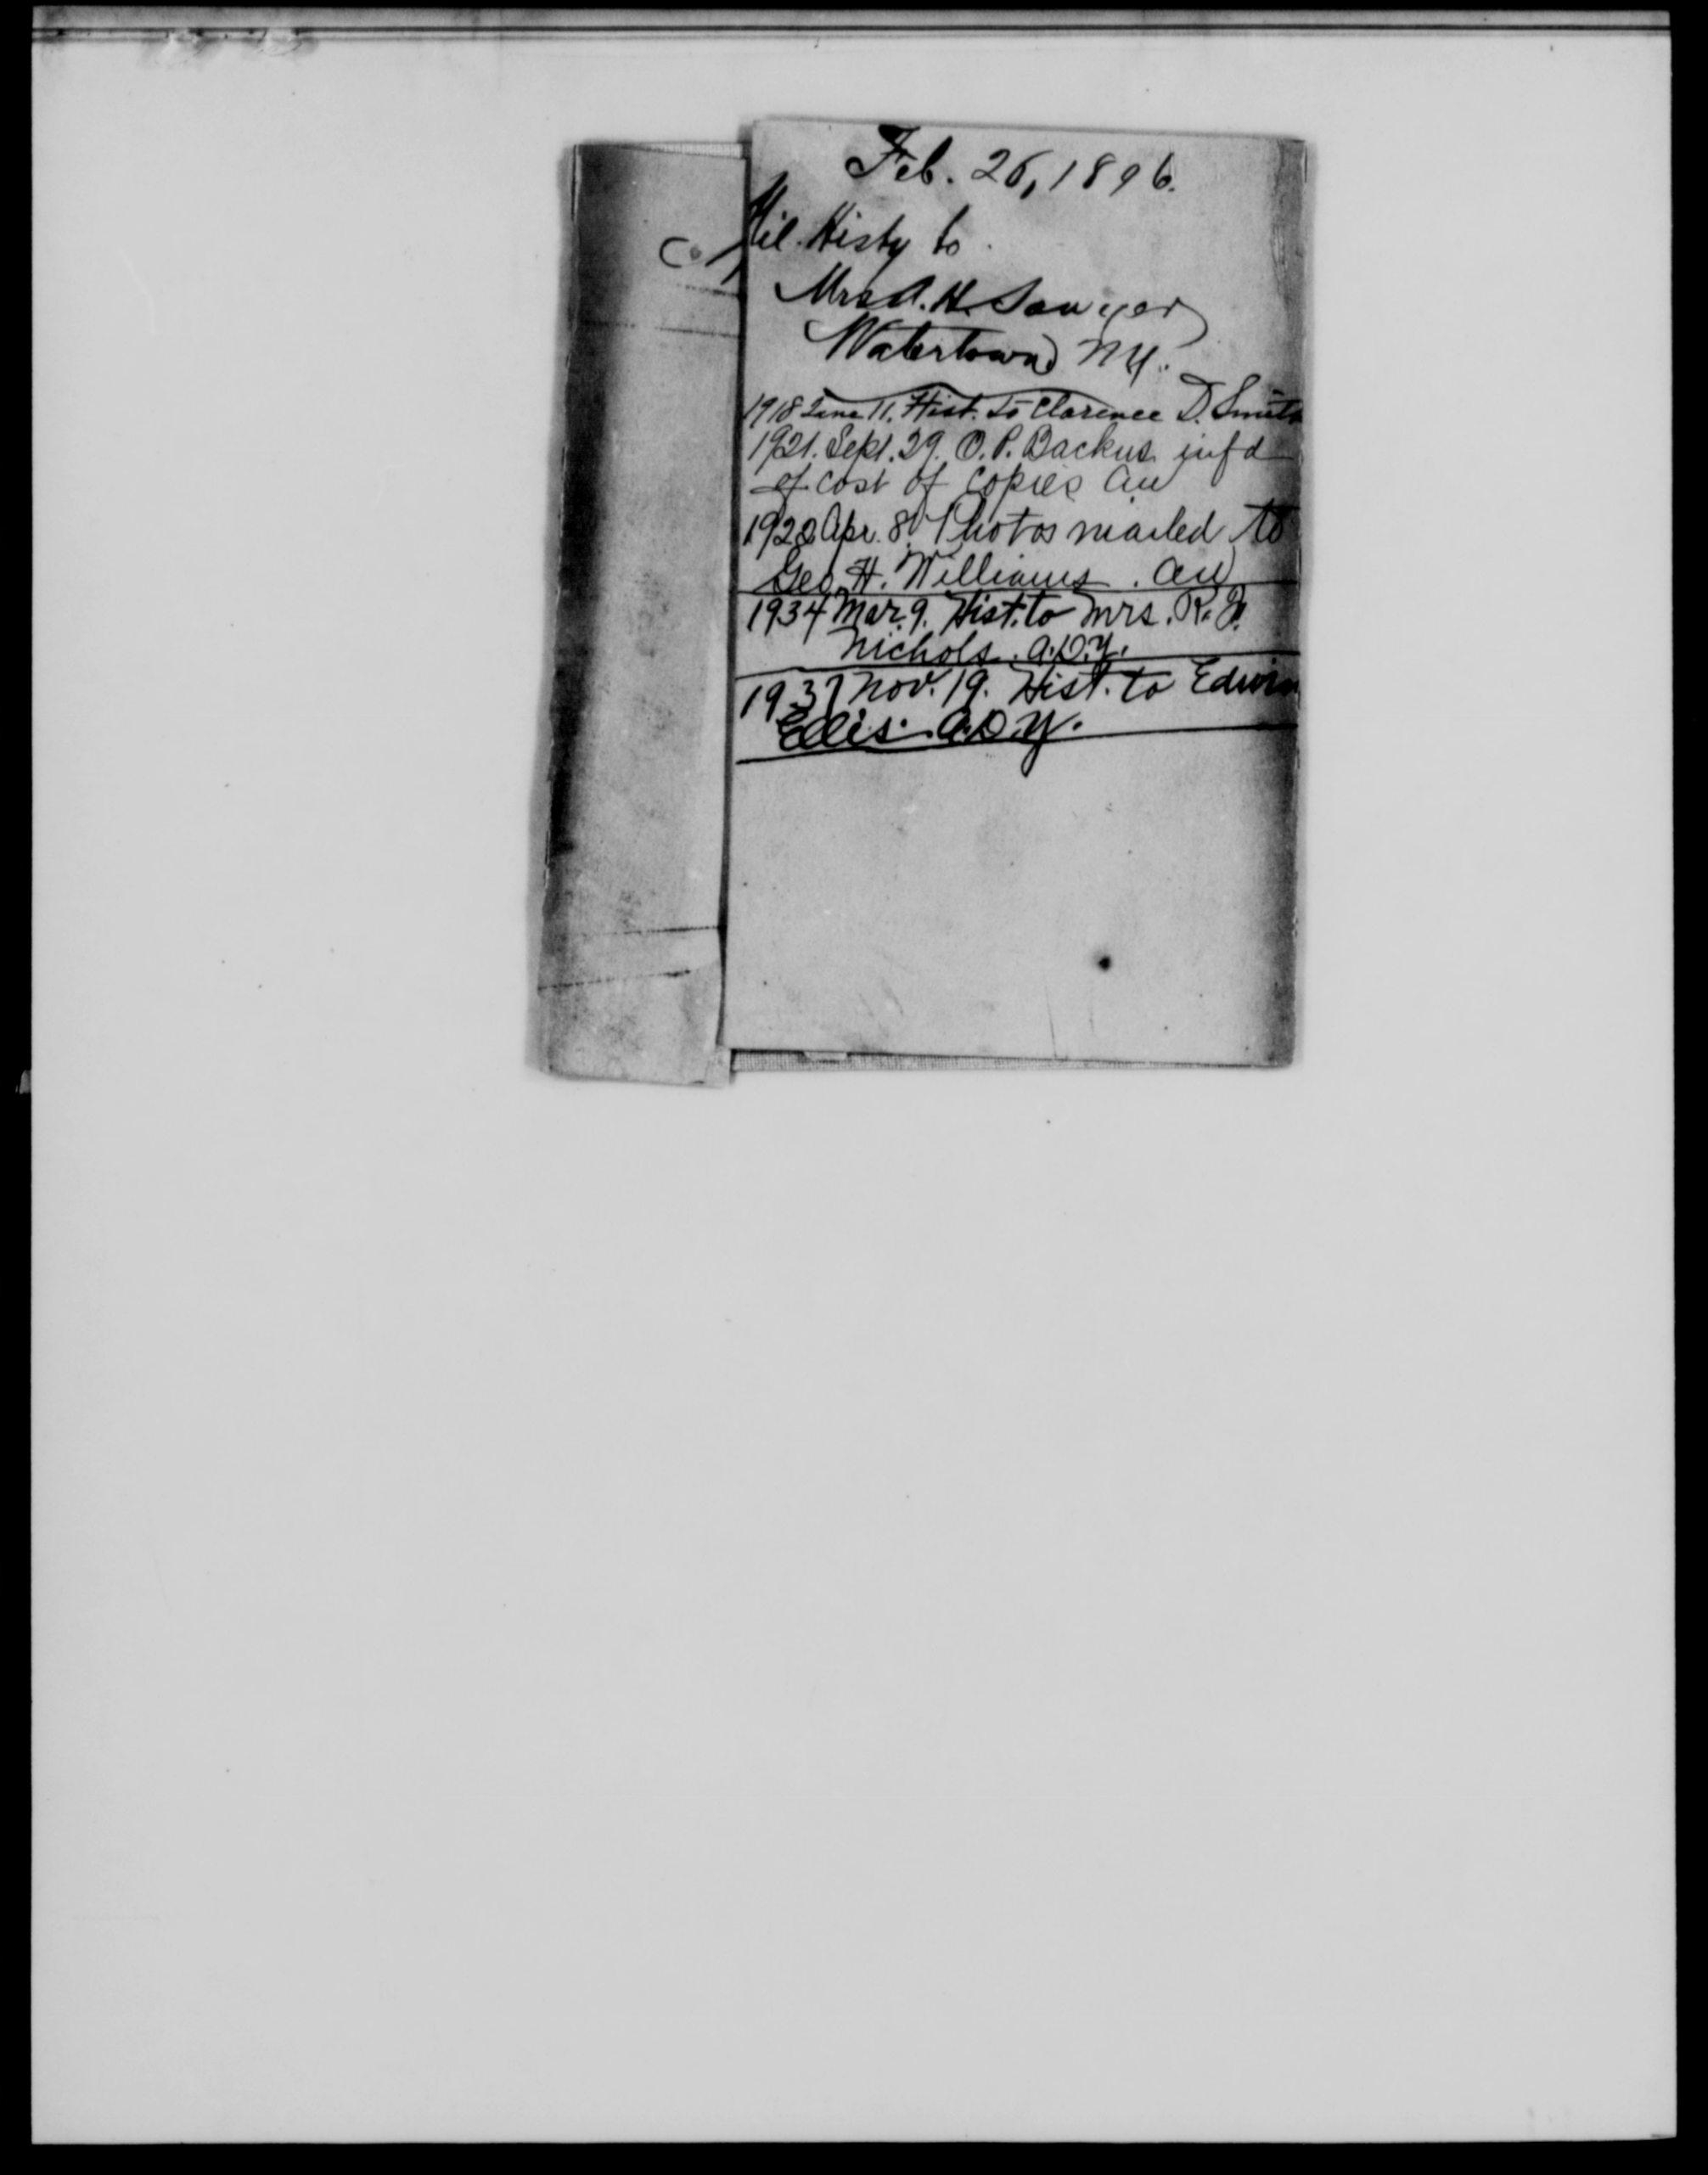FEb 26, 1896
Hil. Hisby Co
Mrs A. H. Sawyer
Watertown N Y

1918 June 11 Hist to Clarence D. Smith
1921 Sept 29 O. P. Backus infd
If cost of copies are
1920 Apr. 8 Photos mailed to
Geo H. Williams  Act
1934 Mar 9 Hist. to Mrs. R. J. Nichols A. D. Y.
1937 Nov. 19 Hist. to Edwin Ellis A. D. Y.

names: O P Backus, Geo H Williams, Clarence D Smith, A H Sawyer, Edwin Ellis, R F Nichols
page: 43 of 63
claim: widow's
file: W. 22,632, David Williams, Conn. Continental Privateer